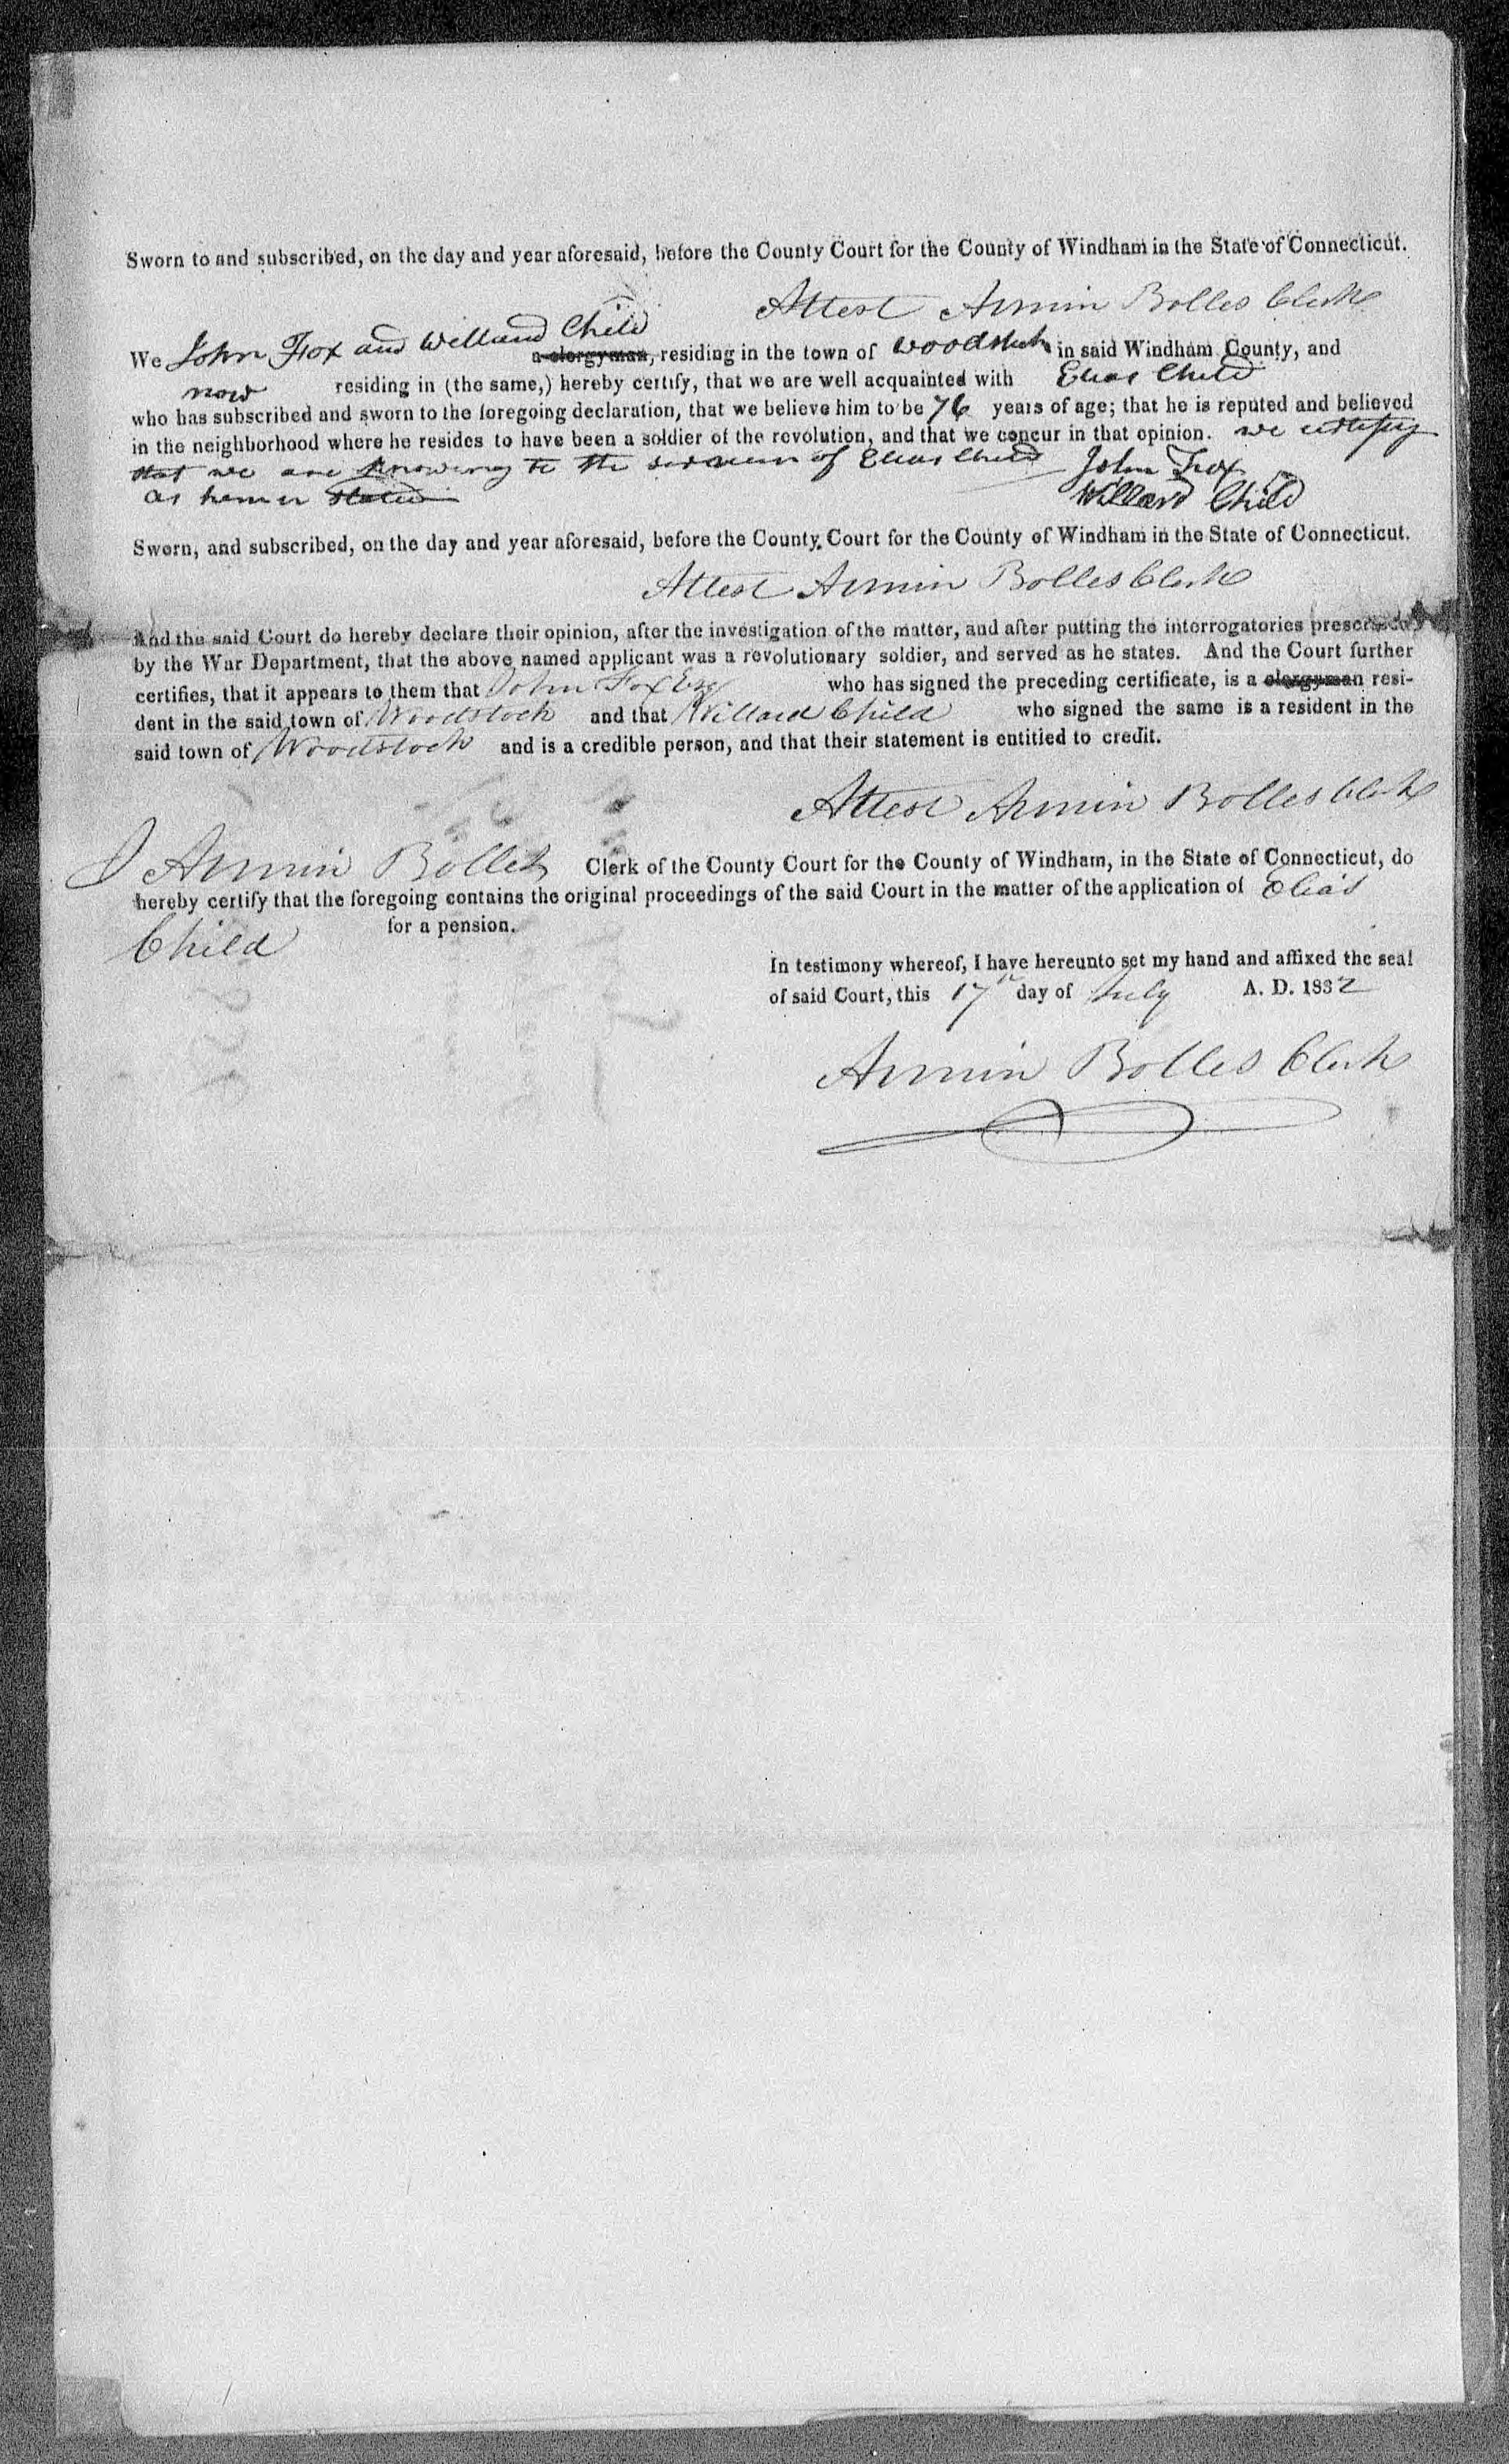Sworn to subscribed, on the day and year aforesaid, before the County Court for the County of Windham in the State of Connecticut.
Attest Armin Bolles Clerk
We John Fox and Willard Child residing in the town of Woodsloch in said Windham County and now reading in (the same) hereby certify that we are well acquainted with Elias Child who has subscribed and sworn to the foregoing declaration that we believe him to be 76 years of age; that he is reputed and believed in the neighborhood where he resides to have been a soldier of the revolution and that we concur in the opinion. We testify that we are answering to the service of Elias Child as former stated.
John Fox
Willard Child
Sworn and subscribed on the day and year aforesaid before the County Court for the County of Windham in the State of Connecticut.
Attest Armin Bolles CCM
And the said Court do hereby declare their opinion after the investigation of the matter and after putting the interrogatories prescribed by the War Department that the above named applicant was a revolutionary soldier and served as he states. And the Court further certifies that it appears to them that John Fox Esq who has signed the preceding certificates is a resident in the said town of Woodsloch and that Willard Child who signed the same is a resident in the said town of Woodstoch and is a credible person, and that their statement is entitled to credit.
Attsest Armin Bolles Clerk
I Armin Bolles Clerk of the County Court for the County of Windham in the State of Connecticut do hereby certify that the foregoing contains the original proceedings of the said Court in the matter of the application of Elias Child for a pension.
In testimony whereof I have hereunto set my hand and affixed the seal of said Court this 17th day of July AD 1832
Armin Bolles Clerk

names: Armin Bolles, Armin Bolles, Willand Child, Armin Bolles, John Fox, John Fox, Elias Child, Willard Child, John Fox, Armin Bolles, Chas Child, Armin Bolles, Willard Child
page: 5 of 34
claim: survivor's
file: S. 31,605, Elias Child, Conn.